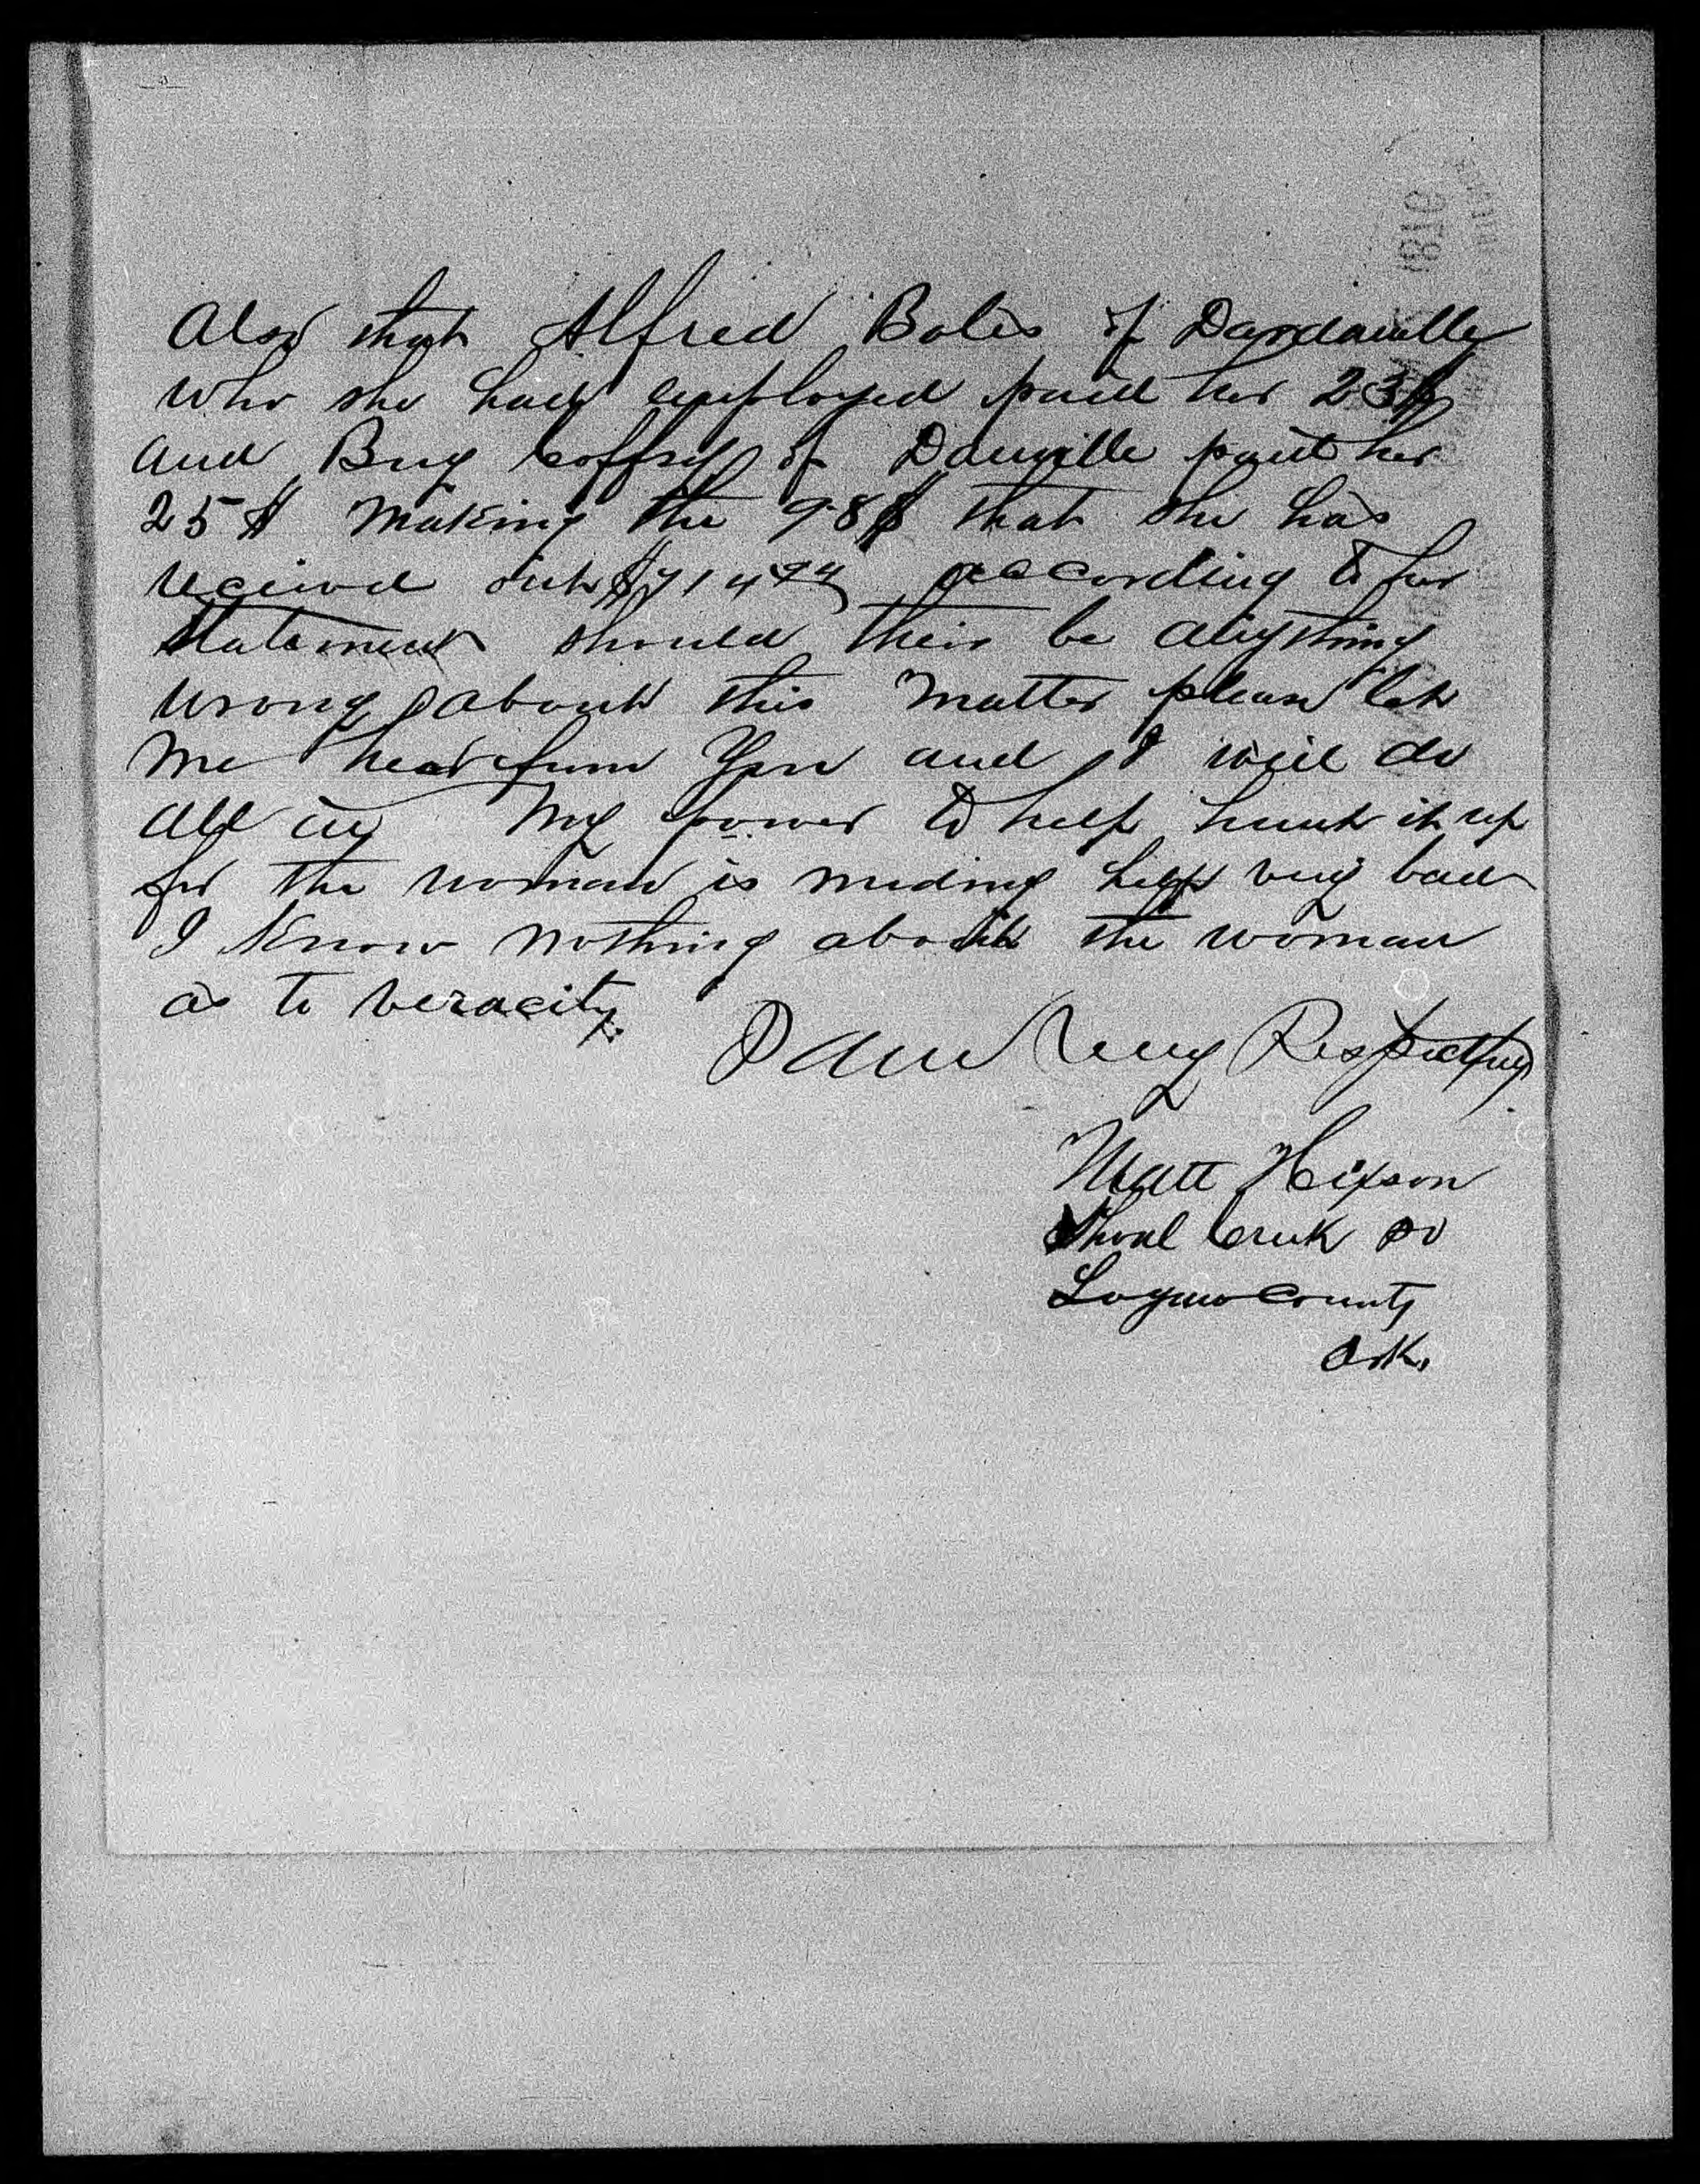Also that Alfred Boles of Dardanelle 
who she had employed paid her 23$
and Buy Coffsey of Danville paid her 
25$ making the 98$ that she has 
received out $714.94 according to her 
statement should their be anything 
wrong about this matter please let 
me hear from you and I will do 
wall in my power to help hunt it up 
for the woman is needing help very bad 
I know nothing about the woman 
as to veracity.

I am Very Respectfully 

Matt Hixson
Shoal Creek PO
Logan County 
Ark.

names: Alfred Boles; Matt Hixson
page: 11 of 115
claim: widow's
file: W. 1446, for John Mc Clung, South Carolina